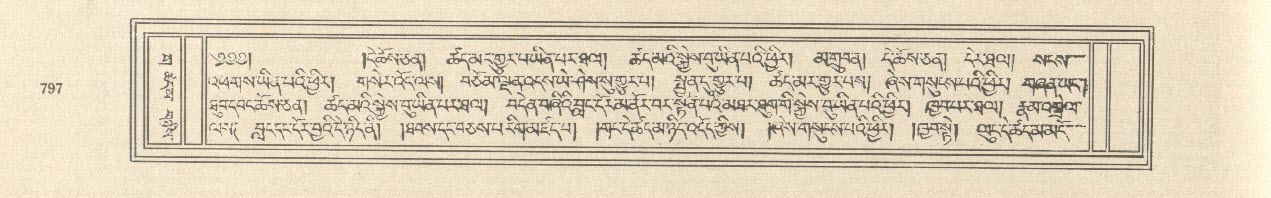༄༅༅། །དེ་ཆོས་ཅན། ཚད་མར་གྱུར་པ་ཡིན་པར་ཐལ། ཚད་མའི་སྐྱེས་བུ་ཡིན་པའི་ཕྱིར། མ་གྲུབ་ན། དེ་ཆོས་ཅན། དེར་ཐལ། སངས་
འཕགས་ཡིན་པའི་ཕྱིར། གསེར་འོད་ལས། བཅོམ་ལྡན་འདས་ཡེ་ཤེས་སུ་གྱུར་པ། སྤྱན་དུ་གྱུར་པ། ཚད་མར་གྱུར་པས། ཞེས་གསུངས་པའི་ཕྱིར། གཞན་ཡང་།
ཐུབ་དབང་ཆོས་ཅན། ཚད་མའི་སྐྱེས་བུ་ཡིན་པར་ཐལ། བདེན་བཞིའི་བླང་དོར་མ་ནོར་བར་སྟོན་པའི་མཐར་ཐུག་གི་སྐྱེས་བུ་ཡིན་པའི་ཕྱིར། ཁྱབ་པར་ཐལ། རྣམ་འགྲེལ་
ལས༑ བླང་དང་དོར་བྱའི་དེ་ཉིད་ནི། །ཐབས་དང་བཅས་པ་རིག་མཛད་པ། །གང་དེ་ཚད་མ་ཉིད་འདོད་ཀྱིས། །ཞེས་གསུངས་པའི་ཕྱིར། །ཁྱབ་སྟེ། ལུང་དེ་ཚད་མ་མདོ་